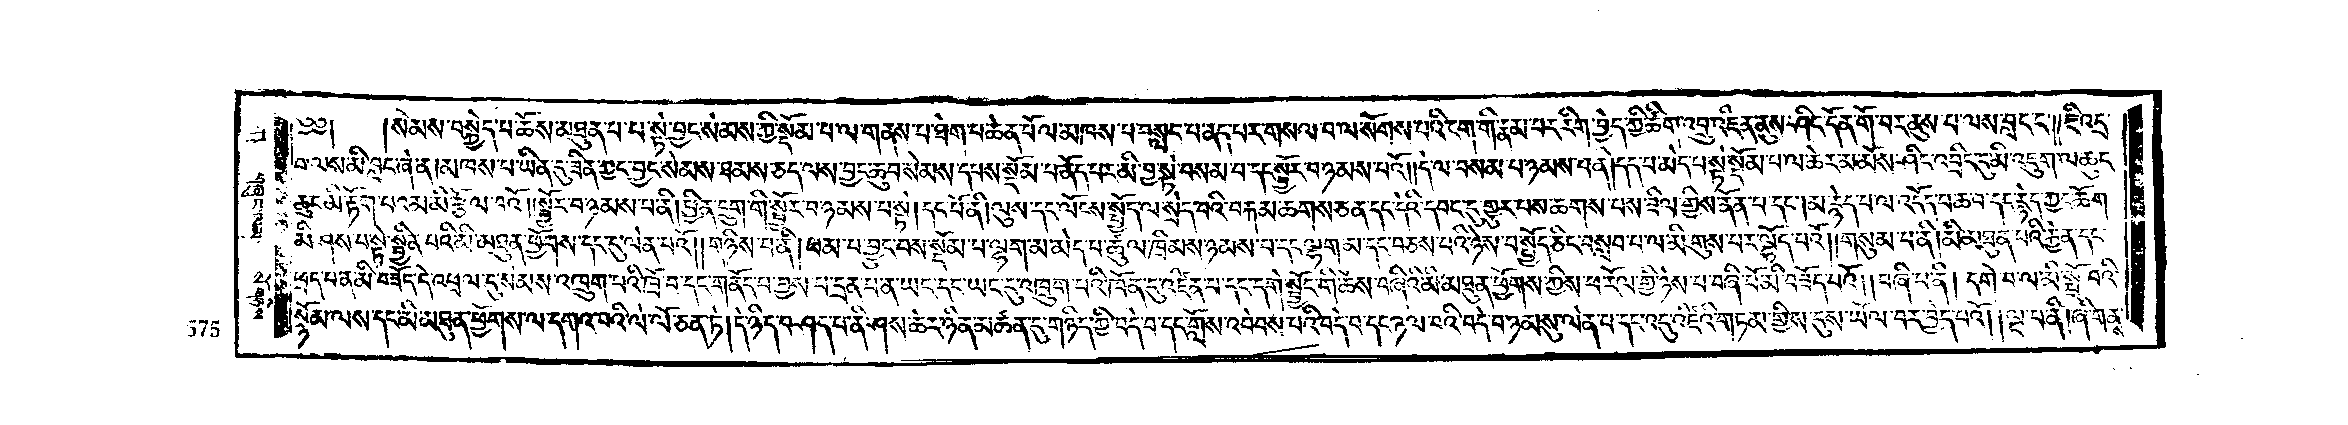༄༅། །སེམས་བསྐྱེད་པ་ཆོས་མཐུན་པ་པ་སྟེ་བྱང་སེམས་ཀྱི་སྡོམ་པ་ལ་གནས་པ་ཐེག་པ་ཆེན་པོ་ལ་མཁས་པ་བསླང་པ་ནད་པར་གསལ་བ་ལ་སོགས་པའི་ངག་གི་རྣམ་པར་རིག་བྱེད་ཀྱི་ཚིག་འབྲུ་འཛིན་ནུས་ཤིང་དོན་གོ་བར་ནུས་པ་ལས་བླང་ང་། །ཇི་འདྲ་
བ་ལས་མི་བླང་ཞེ་ན། མཁས་པ་ཡིན་དུ་ཟིན་ཀྱང་བྱང་སེམས་ཐམས་ཅད་ལས་བྱང་ཆུབ་སེམས་དཔས་སྡོམ་པ་ནོད་པར་མི་བྱ་སྟེ་བསམ་པ་དང་སྦྱོར་བ་ཉམས་པའོ། །དེ་ལ་བསམ་པ་ཉམས་པ་ནི། དད་པ་མེད་པ་སྟེ་སྡོམ་པ་ལ་ཆེར་མ་མོས་ཤིང་འབྲིང་དུ་མི་འཇུག་ལ་ཆུང་
ཆུང་མི་རྟོག་པའམ་མི་རྩོལ་བའོ། །སྦྱོར་བ་ཉམས་པ་ནི། ཕྱིན་དྲུག་གི་སྦྱོར་བ་ཉམས་པ་སྟེ། དང་པོ་ནི། ལུས་དང་ལོངས་སྤྱོད་ལ་སྲེད་པའི་བརྐམ་ཆགས་ཅན་དང་དེའི་དབང་དུ་གྱུར་པས་ཆགས་པས་ཟིལ་གྱིས་ནོན་པ་དང་། མ་རྙེད་པ་ལ་འདོད་པ་ཆ་བ་དང་རྙེད་ཀྱང་ཆོ་ག་
མི་ཤས་པ་སྟེ་སྦྱིན་པའི་མི་མཐུན་ཕྱོགས་དང་དུ་ལེན་པའོ། །གཉིས་པ་ནི། ཕམ་པ་བྱུང་བས་སྡོམ་པ་ལྷག་མ་མེད་པ་ཚུལ་ཁྲིམས་ཉམས་པ་དང་ལྷག་མ་དང་བཅས་པའི་ཉེས་པ་སྤྱོད་ཅིང་བསླབ་པ་ལ་མི་གུས་པར་ལྷོད་པའོ། །གསུམ་པ་ནི། མི་མཐུན་པའི་རྐྱེན་དང་
ཕྲད་པ་ན་མི་བཟོད་དེ་འཕྲལ་དུ་སེམས་འཁྲུག་པའི་ཁྲོ་བ་དང་གནོད་པ་བྱས་པ་དྲན་པ་ན་ཡང་དང་ཡང་དུ་འཁྲུག་པའི་ཁོན་དུ་འཛིན་པ་དང་དགེ་སྦྱོང་གི་ཚེས་བཞིའི་མི་མཐུན་ཕྱོགས་ཀྱིས་ཕ་རོལ་གྱི་ཉེས་པ་བཞི་པོ་མི་བཟོད་པའོ། །བཞི་པ་ནི། དགེ་བ་ལ་མི་སྤྲོ་བའི་
སྙོམ་ལས་དང་མི་མཐུན་ཕྱོགས་ལ་དགའ་བའི་ལེ་ལོ་ཅན་ཏེ། དེ་ཉིད་བཤད་པ་ནི་ཤས་ཆེར་ཉིན་མཚན་དུ་གཉིད་ཀྱི་བདེ་བ་དང་གློས་འབེབས་པའི་བདེ་བ་དང་ཉལ་བའི་བདེ་བ་ཉམས་སུ་ལེན་པ་དང་འདུ་འཛིའི་གཏམ་གྱིས་དུས་ཡོལ་བར་བྱེད་པའོ། །ལྔ་པ་ནི། ཞི་གནས་